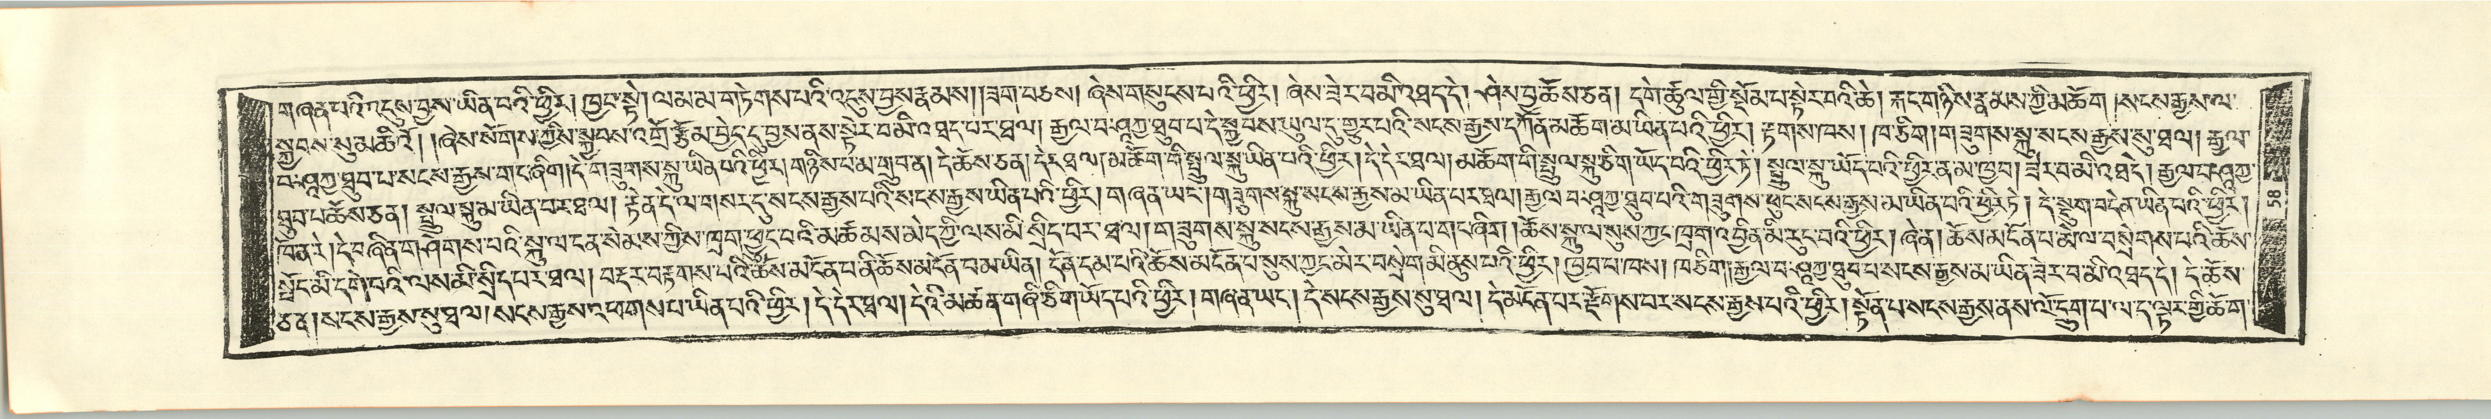གཞན་པའི་འདུས་བྱ་ཡིན་པའི་ཕྱིར། ཁྱབ་སྟེ། ལམ་མ་གཏེགས་པའི་འདུས་བྱས་རྣམས། །ཟག་བཅས། ཞེས་གསུངས་པའི་ཕྱིར། ཞེས་ཟེར་བ་མི་འཐད་དེ། ཤེས་བྱ་ཆོས་ཅན། དགེ་ཚུལ་གྱི་སྡོམ་པ་སྟེར་བའི་ཆེ། རྐང་གཉིས་རྣམས་ཀྱི་མཆོག །སངས་རྒྱས་ལ་
སྐྱབས་སུ་མཆིའོ། །ཞེས་སོགས་ཀྱིས་སྐྱབས་འགྲོ་རྩོམ་བྱེད་དུ་བྱས་ནས་སྟེར་བ་མི་འཐད་པར་ཐལ། རྒྱལ་བ་ཤཱཀྱ་ཐུབ་པ་དེ་སྐྱབས་ཡུལ་དུ་གྱུར་པའི་སངས་རྒྱས་དཀོན་མཆོག་མ་ཡིན་པའི་ཕྱིར། རྟགས་ཁས། ཁ་ཅིག །གཟུགས་སྐུ་སངས་རྒྱས་སུ་ཐལ། རྒྱལ་
བ་ཤཱཀྱ་ཐུབ་པ་སངས་རྒྱས་གང་ཞིག །དེ་གཟུགས་སྐུ་ཡིན་པའི་ཕྱིར། གཉིས་པ་མ་གྲུབ་ན། དེ་ཆོས་ཅན། དེར་ཐལ། མཆོག་གི་སྤྲུལ་སྐུ་ཡིན་པའི་ཕྱིར། དེ་དེར་ཐལ། མཆོག་གི་སྤྲུལ་སྐུ་ཅིག་ཡོད་པའི་ཕྱིར་ཏེ། སྤྲུལ་སྐུ་ཡོད་པའི་ཕྱིར་ན་མ་ཁྱབ། ཟེར་བ་མི་འཐད་དེ། རྒྱལ་བ་ཤཱཀྱ་
ཐུབ་པ་ཆོས་ཅན། སྤྲུལ་སྐུ་མ་ཡིན་པར་ཐལ། རྟེན་དེ་ལ་གསར་དུ་སངས་རྒྱས་པའི་སངས་རྒྱས་ཡིན་པའི་ཕྱིར། གཞན་ཡང་། གཟུགས་སྐུ་སངས་རྒྱས་མ་ཡིན་པར་ཐལ། རྒྱལ་བ་ཤཱཀྱ་ཐུབ་པའི་གཟུགས་ཕུང་སངས་རྒྱས་མ་ཡིན་པའི་ཕྱིར་ཏེ། དེ་སྡུག་བདེན་ཡིན་པའི་ཕྱིར།
ཁོ་ན་རེ། དེ་བཞིན་གཤེགས་པའི་སྐུ་ལ་ངན་སེམས་ཀྱིས་ཁྲག་ཕྱུང་བའི་མཚམས་མེད་ཀྱི་ལས་མི་སྲིད་པར་ཐལ། གཟུགས་སྐུ་སངས་རྒྱས་མ་ཡིན་པ་གང་ཞིག །ཆོས་སྐུ་ལ་སུས་ཀྱང་ཁྲག་འབྱིན་མི་རུང་བའི་ཕྱིར། ཞེ་ན། ཆོས་མངོན་པ་མེ་ལ་བསྲེགས་པའི་ཆོས་
སྤོང་མི་དགེ་བའི་ལས་མི་སྲིད་པར་ཐལ། བརྡར་བརྟགས་པའི་ཆོས་མངོན་པ་ནི་ཆོས་མངོན་པ་མ་ཡིན། དོན་དམ་པའི་ཆོས་མངོན་པ་སུས་ཀྱང་མེར་བསྲེག་མི་ནུས་པའི་ཕྱིར། ཁྱབ་པ་ཁས། ཅིག་ཅིག །རྒྱལ་བ་ཤཱཀྱ་ཐུབ་པ་སངས་རྒྱས་མ་ཡིན་ཟེར་བ་མི་འཐད་དེ། དེ་ཆོས་
ཅན། སངས་རྒྱས་སུ་ཐལ། སངས་རྒྱས་འཕགས་པ་ཡིན་པའི་ཕྱིར། དེ་དེར་ཐལ། དེའི་མཚན་གཞི་ཅིག་ཡོད་པའི་ཕྱིར། གཞན་ཡང་། དེ་སངས་རྒྱས་སུ་ཐལ། དེ་མངོན་པར་རྫོགས་པར་སངས་རྒྱས་པའི་ཕྱིར། སྟོན་པ་སངས་རྒྱས་ནས་ལོ་དྲུག་པ་ལ་ད་ལྟར་གྱི་ཆོ་ག་